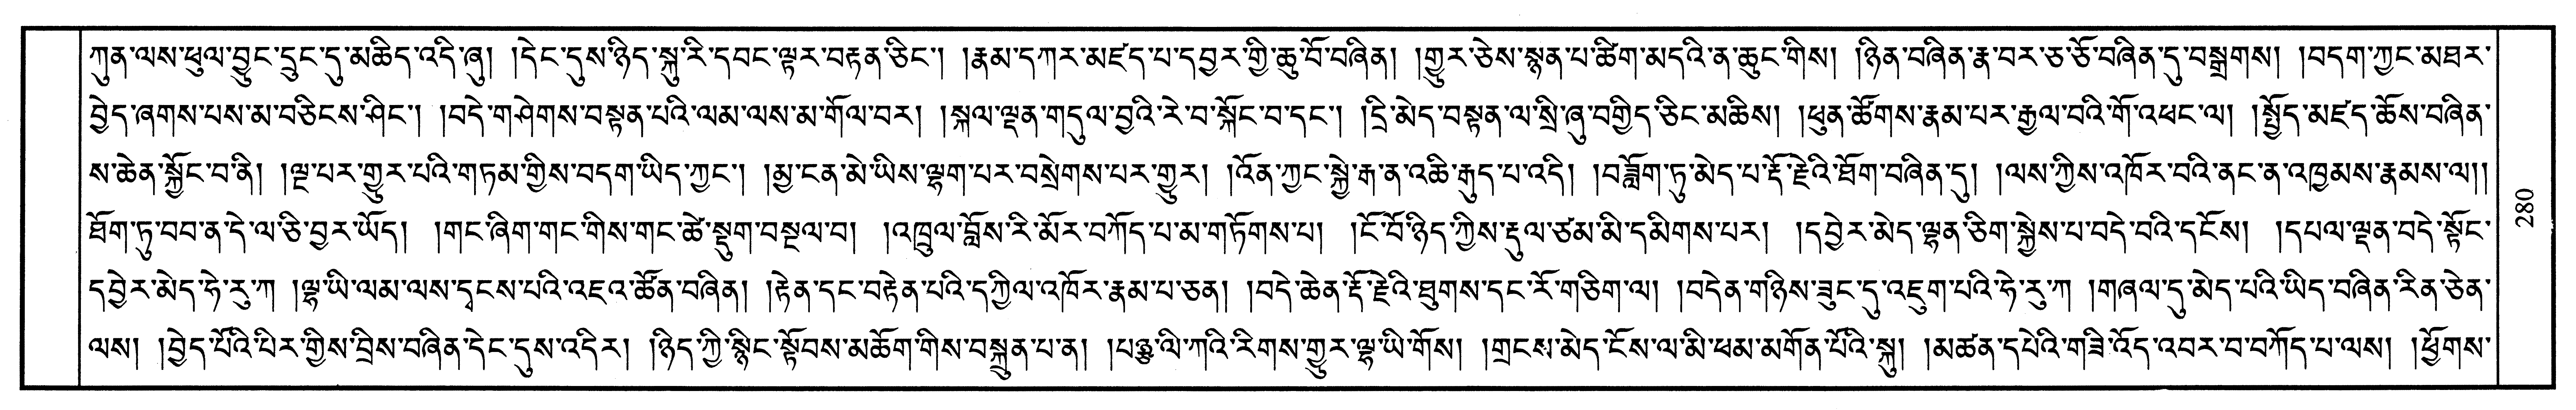ཀུན་ལས་ཕུལ་བྱུང་དྲུང་དུ་མཆིད་འདི་ཞུ། །དེང་དུས་ཉིད་སྐུ་རི་དབང་ལྟར་བརྟན་ཅིང་། །རྣམ་དཀར་མཛད་པ་དབྱར་གྱི་ཆུ་བོ་བཞིན། །གྱུར་ཅེས་སྙན་པ་ཚིག་མདའི་ན་ཆུང་གིས། །ཉིན་བཞིན་རྣ་བར་ཅ་ཅོ་བཞིན་དུ་བསྒྲགས། །བདག་ཀྱང་མཐར་
བྱེད་ཞགས་པས་མ་བཅིངས་ཤིང་། །བདེ་གཤེགས་བསྟན་པའི་ལམ་ལས་མ་གོལ་བར། །སྐལ་ལྡན་གདུལ་བྱའི་རེ་བ་སྐོང་བ་དང་། །དྲི་མེད་བསྟན་ལ་སྲི་ཞུ་བགྱིད་ཅིང་མཆིས། །ཕུན་ཚོགས་རྣམ་པར་རྒྱལ་བའི་གོ་འཕང་ལ། །སྤྱོད་མཛད་ཆོས་བཞིན་
ས་ཆེན་སྐྱོང་བ་ནི། །ལྔ་པར་གྱུར་པའི་གཏམ་གྱིས་བདག་ཡིད་ཀྱང་། །མྱ་ངན་མེ་ཡིས་ལྷག་པར་བསྲེགས་པར་གྱུར། །འོན་ཀྱང་སྐྱེ་རྒ་ན་འཆི་རྒུད་པ་འདི། །བཟློག་ཏུ་མེད་པ་རྡོ་རྗེའི་ཐོག་བཞིན་དུ། །ལས་ཀྱིས་འཁོར་བའི་ནང་ན་འཁྱམས་རྣམས་ལ།།
ཐོག་ཏུ་བབ་ན་དེ་ལ་ཅི་བྱར་ཡོད། །གང་ཞིག་གང་གིས་གང་ཚེ་སྡུག་བསྔལ་བ། །འཁྲུལ་བློས་རི་མོར་བཀོད་པ་མ་གཏོགས་པ། །ངོ་བོ་ཉིད་ཀྱིས་རྡུལ་ཙམ་མི་དམིགས་པར། །དབྱེར་མེད་ལྷན་ཅིག་སྐྱེས་པ་བདེ་བའི་དངོས། །དཔལ་ལྡན་བདེ་སྟོང་
དབྱེར་མེད་ཧེ་རུ་ཀ །ལྷ་ཡི་ལམ་ལས་དྭངས་པའི་འཇའ་ཚོན་བཞིན། །རྟེན་དང་བརྟེན་པའི་དཀྱིལ་འཁོར་རྣམ་པ་ཅན། །བདེ་ཆེན་རྡོ་རྗེའི་ཐུགས་དང་རོ་གཅིག་ལ། །བདེན་གཉིས་ཟུང་དུ་འཇུག་པའི་ཧེ་རུ་ཀ །གཞལ་དུ་མེད་པའི་ཡིད་བཞིན་རིན་ཅེན་
ལས། །བྱེད་པོའི་པིར་གྱིས་བྲིས་བཞིན་དེང་དུས་འདིར། །ཉིད་ཀྱི་སྙིང་སྟོབས་མཆོག་གིས་བསྐྲུན་པ་ན། །པཉྩ་ལི་ཀའི་རིགས་གྱུར་ལྷ་ཡི་གོས། །གྲངས་མེད་ངོས་ལ་མི་ཕམ་མགོན་པོའི་སྐུ། །མཚན་དཔེའི་གཟི་འོད་འབར་བ་བཀོད་པ་ལས། །ཕྱོགས་